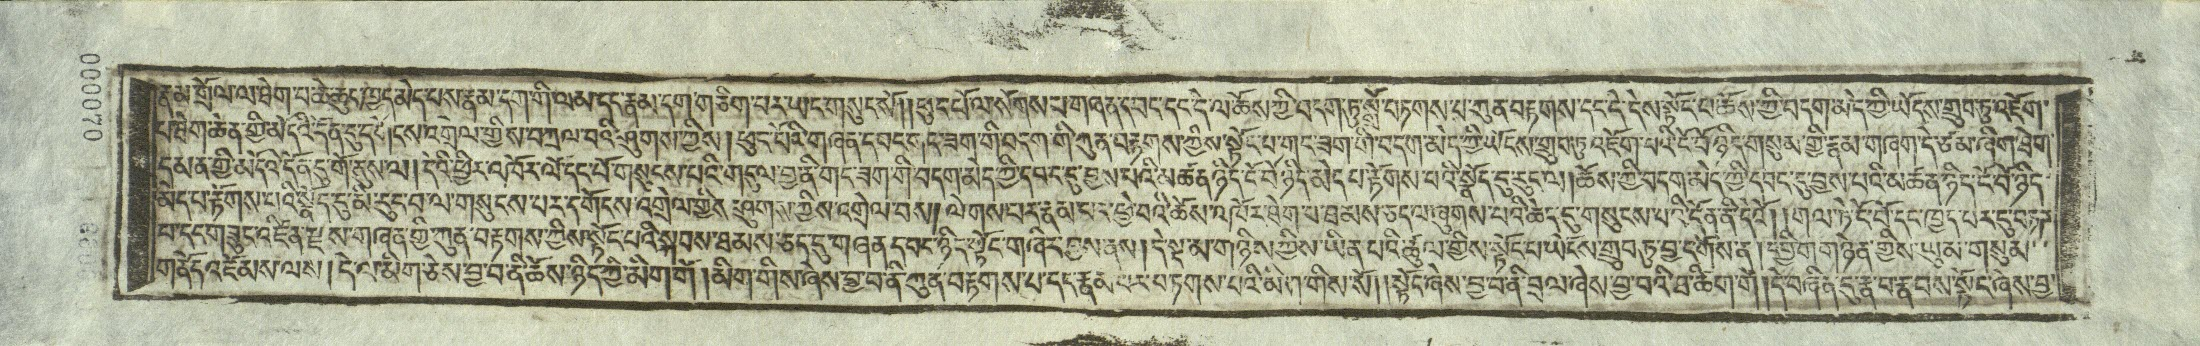རྣམ་གྲོལ་ལ་ཐེག་པ་ཆེ་ཆུང་ཁྱད་མེད་པས་རྣམ་དག་གི་ལམ་དང་རྣམ་དག་གཅིག་པར་ཡང་གསུངས་སོ། །ཕུང་པོ་ལ་སོགས་པ་གཞན་དབང་དང་དེ་ལ་ཆོས་ཀྱི་བདག་ཏུ་སྐྲོ་བཏགས་པ་ཀུན་བརྟགས་དང་དེ་དེས་སྟོང་པ་ཆོས་ཀྱི་བདག་མེད་ཀྱི་ཡོངས་གྲུབ་ཏུ་འཇོག་
པ་ཐེག་ཆེན་གྱི་མདོའི་དོན་དུ་དགོངས་འགྲེལ་གྱིས་བཀྲལ་བའི་ཤུགས་གྱིས། ཕུང་པོའི་གཞན་དབང་གང་ཟག་གི་བདག་གི་ཀུན་བརྟགས་ཀྱིས་སྟོང་པ་གང་ཟག་གི་བདག་མེད་ཀྱི་ཡོངས་གྲུབ་ཏུ་འཇོག་པའི་ངོ་བོ་ཉིད་གསུམ་གྱི་རྣམ་གཞག་དེ་ཙམ་ཞིག་ཐེག་
དམན་གྱི་མདོའི་དོན་དུ་གོ་ནུས་ལ། དེའི་ཕྱིར་འཁོར་ལོ་དང་པོ་གསུངས་པའི་གདུལ་བྱ་ནི་གང་ཟག་གི་བདག་མེད་ཀྱི་དབང་དུ་བྱས་པའི་མཚན་ཉིད་ངོ་བོ་ཉིད་མེད་པ་རྟོགས་པའི་སྣོད་དུ་རུང་ལ། ཆོས་ཀྱི་བདག་མེད་ཀྱི་དབང་དུ་བྱས་པའི་མཚན་ཉིད་ངོ་བོ་ཉིད་
མེད་པ་རྟོགས་པའི་སྣོད་དུ་མི་རུང་བ་ལ་གསུངས་པར་དགོངས་འགྲེལ་གྱིས་ཤུགས་ཀྱིས་འགྲེལ་པས། ལེགས་པར་རྣམ་པར་ཕྱེ་བའི་ཆོས་འཁོར་ཐེག་པ་ཐམས་ཅད་ལ་ཞུགས་པའི་ཆེད་དུ་གསུངས་པའི་དོན་ནི་དེའོ། །གལ་ཏེ་ངོ་བོ་དང་ཁྱད་པར་དུ་བཏགས་
པ་དང་གཟུང་འཛིན་རྫས་གཞན་གྱི་ཀུན་བརྟགས་ཀྱིས་སྟོང་པའི་སྐབས་ཐམས་ཅད་དུ་གཞན་དབང་ཉིད་སྟོང་གཞིར་བྱས་ནས། དེ་སྔ་མ་གཉིས་ཀྱིས་ཡིན་པའི་ཚུལ་གྱིས་སྟོང་པ་ཡོངས་གྲུབ་ཏུ་བྱ་དགོས་ན། དབྱིག་གཉེན་གྱིས་ཡུམ་གསུམ་
གནོད་འཇེམས་ལས། དེ་ལ་མིག་ཅེས་བྱ་བ་ནི་ཆོས་ཉིད་ཀྱི་མིག་གོ །མིག་གིས་ཞེས་བྱ་བ་ནི་ཀུན་བརྟགས་པ་དང་རྣམ་པར་བཏགས་པའི་མིག་གིས་སོ། །སྟོང་ཞེས་བྱ་བ་ནི་བྲལ་ཞེས་བྱ་བའི་ཐ་ཚིག་གོ། དེ་བཞིན་དུ་རྣ་བས་སྟོང་ཞེས་བྱ་